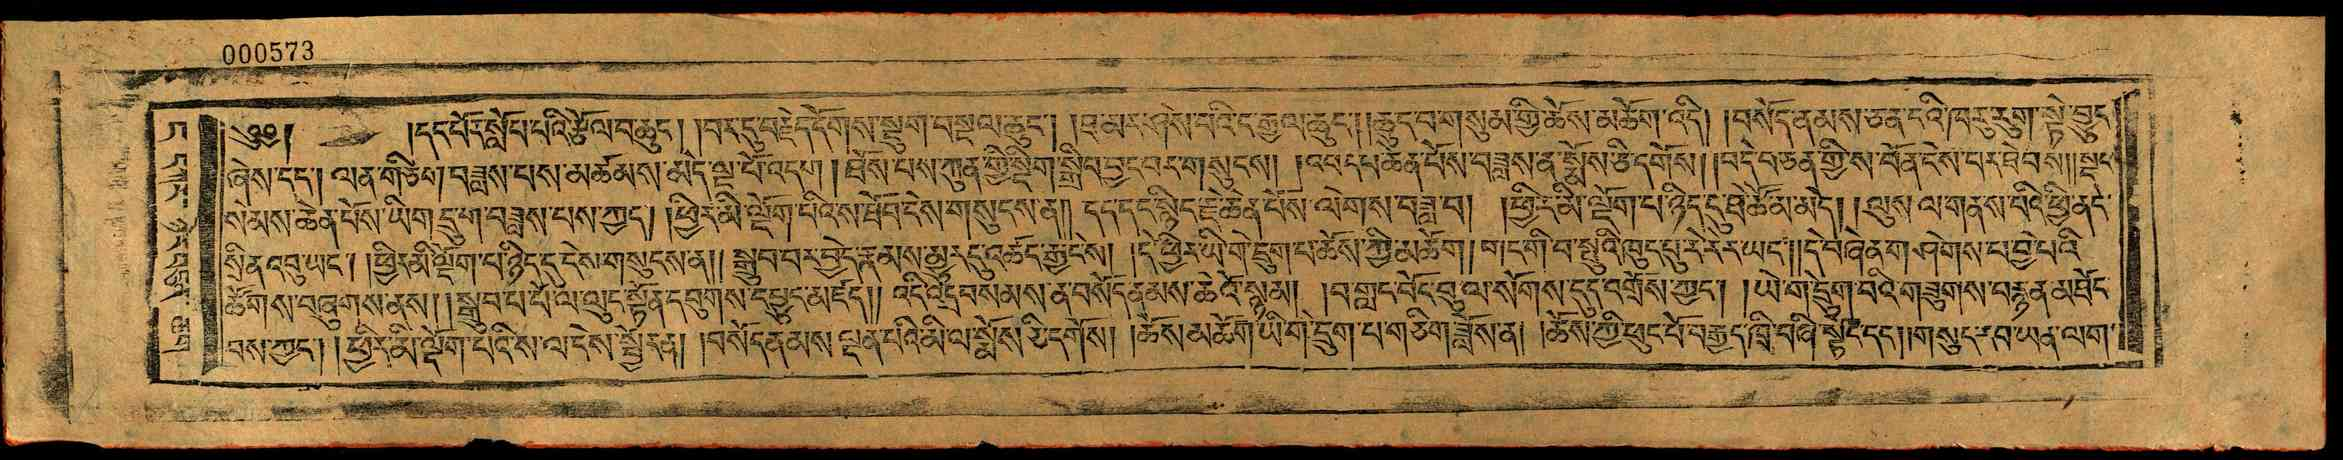༄༅། །དང་བོར་སློབ་པའི་རྩོལ་བ་ཆུང་། །བར་དུ་བརྗེད་དོགས་སྡུག་བསྔལ་ཆུང་། །ཐ་མར་ཤེས་པའི་རྒྱལ་ཆུང་། །ཆུང་བ་གསུམ་གྱི་ཆོས་མཆོག་འདི། །བསོད་ནམས་ཅན་དའི་ཁ་རུ་རུག་སྟེ་བྱུ་བ་
ཞེས་དང་། ལན་གཅིག་བཟླས་པས་མཚམས་མེད་ལྔ་པོ་འདག །ཐོས་པས་ཀུན་གྱི་སྡིག་སྒྲིབ་བྱང་བར་གསུངས། །འབད་པ་ཅན་པོས་བཟླས་ན་སྨོས་ཅི་དགོས། །བདེ་བ་ཅན་གྱི་ས་བོན་ངེས་པར་ཐེབས། །སྡང་
སེམས་ཆེན་པོས་ཡིག་དྲུག་བཟླས་པས་ཀྱང་། །ཕྱིར་མི་ལྡོག་པའི་ས་ཐོབ་ངེས་གསུངས་ན།། དད་དང་སྙིང་རྗེ་ཆེན་པོས་ལགས་བཟླ་བ། །ཕྱིར་མི་ལྡོག་པ་ཉིད་དུ་ཐེ་ཚོམ་མེད། །ལུས་ལ་གནས་པའི་ཕྱི་ནང་
སྲིན་འབུ་ཡང་། །ཕྱིར་མི་ལྡོག་པ་ཉིད་དུ་ངེས་གསུངས་ན། །སྒྲུབ་པར་བྱེད་རྣམས་མྱུར་དུ་འཚང་རྒྱ་ངེས། །དེ་ཕྱིར་ཡི་གེ་དྲུག་བ་ཆོས་ཀྱི་མཆོག །གང་གི་བ་སཱུའི་ཁུང་བུ་རེ་རེ་ར་ཡང་། །དེ་བཞིན་གཤེགས་པ་བྱེ་བའི་
ཚོགས་བཞུགས་ནས། །སྒྲུབ་པ་པོ་ལ་ལུང་སྟོན་དབུགས་དབྱུང་མཛད།། འདི་འདྲ་བསམས་ན་བསོད་ནམས་ཆེ་འོ་སྙམ། །བ་གླང་བོང་བུ་ལ་སོགས་དུད་འགྲོས་ཀྱང་། །ཡེ་གེ་དྲུག་པའི་གཟུགས་བརྙན་མཐོང་
བས་ཀྱང་། །ཕྱིར་མི་ལྡོག་པའི་ས་ལ་ངེས་སྦྱོར་ན། །བསོད་ནམས་ལྡན་པའི་མི་ལ་སྨོས་ཅི་དགོས། །ཆོས་མཆོག་ཡི་གེ་དྲུག་པ་གཅིག་ཟློས་ན། །ཆོས་ཀྱི་ཕུང་པོ་བརྒྱད་ཁྲི་བཞི་སྟོང་དང་། །གསུང་རབ་ཡན་ལག་